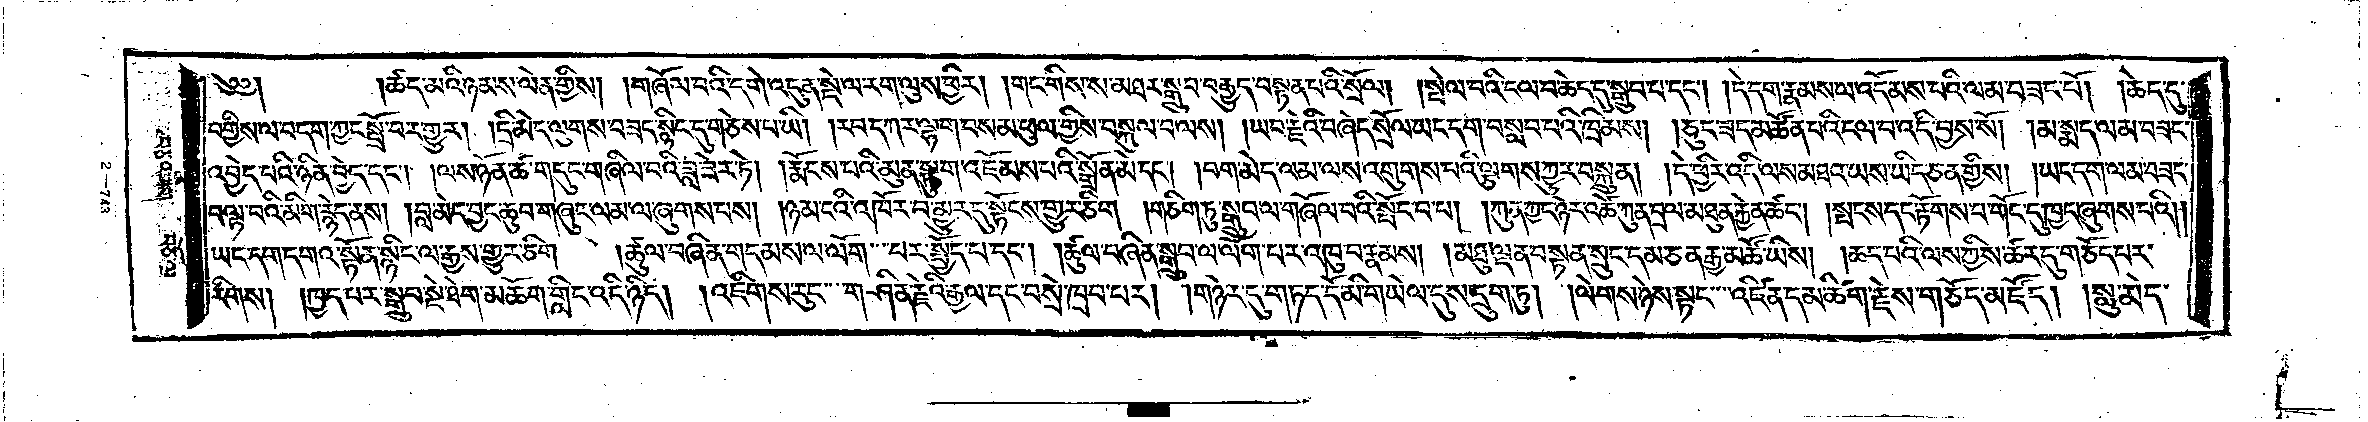༄༅། །ཚད་མའི་ཉམས་ལེན་གྱིས། །གཞོལ་པའི་དགེ་འདུན་སྡེ་ལ་རག་ལུས་ཕྱིར། །གང་གིས་མཐར་སྒྲུབ་བརྒྱུད་བསྟན་པའི་སྲོལ། །སྤེལ་བའི་ངལ་བ་ཆེད་དུ་སྒྲུབ་པ་དང་། །དེ་དག་རྣམས་ལ་འདོམས་པའི་ལམ་བཟང་པོ། །ཆེད་དུ་
བགྱིས་ལ་བདག་ཀྱང་སྦྲོ་པར་གྱུར། །དྲི་མེད་ལུགས་བཟང་སྙིང་དུ་གཅེས་པ་ཡི། །རབ་དཀར་ལྷག་བསམ་ཕུལ་གྱིས་བསྐུལ་བ་ལས། །ཡབ་རྗེའི་བཞེད་སྲོལ་ཡང་དག་བསླབ་པའི་ཁྲིམས། །ཅུང་ཟད་མཚོན་པའི་ངལ་བ་འདི་བྱས་སོ། །མ་སྨད་ལམ་བཟང་
འབྱེད་པའི་ཉིན་བྱེད་དང་། །ལས་ཉོན་ཚ་གདུང་གཞིལ་བའི་ཟླ་ཟེར་ཏེ། །རྨོངས་པའི་མུན་སྟུག་འཇོམས་པའི་སྒྲོན་མེ་དང་། །བག་མེད་ལམ་ལས་འགུགས་པའི་ལྕགས་ཀྱུར་བསྐྲུན། །དེ་ཕྱིར་འདི་ལས་མཐའ་ཡས་ཡིད་ཅན་གྱིས། །ཡང་དག་ལམ་བཟང་
བལྟ་བའི་མིག་རྙེད་ནས། །བླ་མེད་བྱང་ཆུབ་གཞུང་ལམ་ལ་ཞུགས་པས། །ཉམས་པའི་འཁོར་བ་མྱུར་དུ་སྟོངས་གྱུར་ཅིག །གཅིག་ཏུ་སྒྲུབ་ལ་གཞོན་བའི་སྤོང་བ་པ། །ཀུན་ཀྱང་ཉེར་འཚེ་ཀུན་བྲལ་མཐུན་རྐྱེན་ཚང་། །སྤངས་དང་རྟོགས་བ་གོང་དུ་ཁྱབ་ཞུགས་པའི།།
ཡང་དག་དགའ་སྟོན་སྙིང་ལ་རྒྱས་གྱུར་ཅིག །ཚུལ་བཞིན་གདམས་ལ་ལོག་པར་སྤྱོད་པ་དང་། །ཚུལ་བཞིན་སྒྲུབ་ལ་ལོག་པར་འཁུ་བ་རྣམས། །མཐུ་ལྡན་བསྟན་སྲུང་དམ་ཅན་རྒྱ་མཚོ་ཡིས། །ཆད་པའི་ལས་ཀྱིས་ཚར་དུ་གཅོད་པར་
རིགས། །ཁྱད་པར་སྒྲུབ་སྡེ་ཐེག་མཆོག་གླིང་འདི་ཉིད། །འཇིགས་རུང་གཤིན་རྗེའི་རྒྱལ་དང་བསྲེ་ཁྲབ་པར། །གཉེར་དུ་གཏད་དོ་མི་གཡེལ་དུས་དྲུག་ཏུ། །ལེགས་ཉེས་སྟང་འཛིན་དམ་ཚིག་རྗེས་གཅོད་མཛོད། །སླུ་མེད་